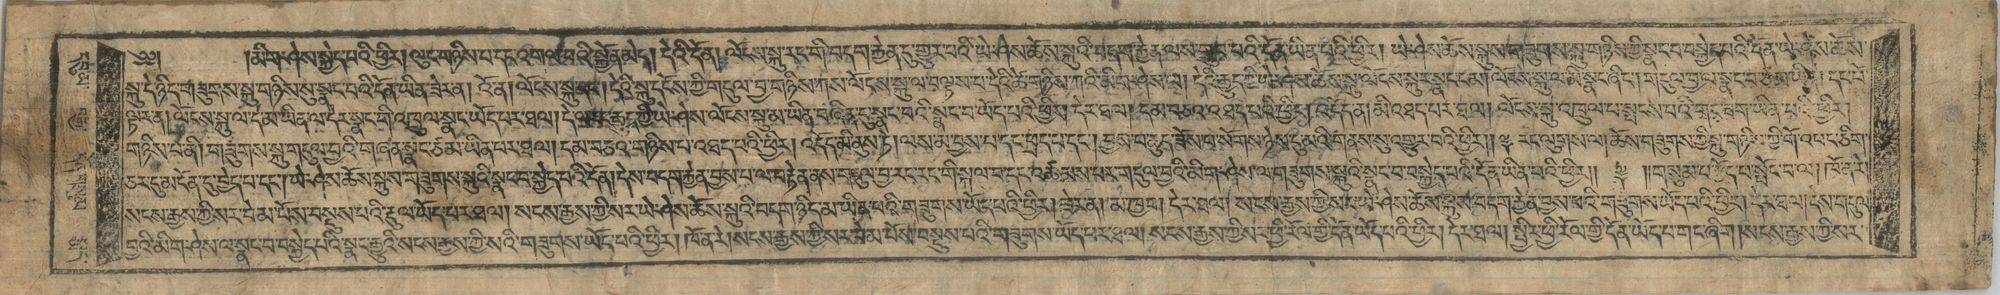༄༅། །མིག་ཤེས་སྐྱེད་པའི་ཕྱིར། ལུང་གཉིས་པ་དང་འགལ་བའི་སྐྱོན་མེད། དེའི་དོན། ལོངས་སྐུ་རང་གི་བདག་རྐྱེན་དུ་གྱུར་བའི་ཡེ་ཤེས་ཆོས་སྐུའི་བདག་རྐྱེན་ལས་གྲུབ་པའི་དོན་ཡིན་པའི་ཕྱིར། ཡེ་ཤེས་ཆོས་སྐུས་གཟུགས་སྐུ་གཉིས་ཀྱི་སྣང་བ་བསྐྱེད་པའི་དོན་ཡེ་ཤེས་ཆོས་
སྐུ་དེ་ཉིད་གཟུགས་སྐུ་གཉིས་སུ་སྣང་བའི་དོན་ཡིན་ཟེར་ན། འོ་ན། ལོངས་སྐུ་དང་། དེའི་སྐུ་དངོས་ཀྱི་གདུལ་བྱ་གཉིས་ཀས་ལོངས་སྐུ་ལ་བལྟས་པ་དེའི་ཚེ་གཉིས་ཀའི་མིག་ཤེས་ལ། དེའི་རྒྱུད་ཀྱི་ཡེ་ཤེས་ཆོས་སྐུ་ལོངས་སྐུར་སྣང་ངམ། ལོངས་སྐུ་ལ་མི་སྣང་ཞིང་། གདུལ་བྱ་ལ་སྣང་བ་ཙམ་ཡིན། དང་པོ་
ལྟར་ན། ལོངས་སྐུ་ལ་དེ་མ་ཡིན་ལ་དེར་སྣང་གི་འཁྲུལ་སྣང་ཡོད་པར་ཐལ། དེ་ལ་རང་རྒྱུད་ཀྱི་ཡེ་ཤེས་ལོངས་སྐུ་མ་ཡིན་བཞིན་དུ་སྣང་བའི་སྣང་བ་ཡོད་པའི་ཕྱིར། དེར་ཐལ། དམ་བཅའ་འཐད་པའི་ཕྱིར། འདོད་ན། མི་འཐད་པར་ཐལ། ལོངས་སྐུ་འཁྲུལ་པ་སྤངས་པའི་གང་ཟག་ཡིན་པའི་ཕྱིར།
གཉིས་པ་ནི། གཟུགས་སྐུ་གདུལ་བྱའི་གཞན་སྣང་ཙམ་ཡིན་པར་ཐལ། དམ་བཅའ་གཉིས་པ་འཐད་པའི་ཕྱིར། འདོད་མི་ནུས་ཏེ། ལས་མ་བྱས་པ་དང་ཕྲད་པ་དང་། བྱས་པ་ཆུད་ཟོས་པ་སོགས་ཉེས་པ་?་དུ་མའི་གནས་སུ་འགྱུར་བའི་ཕྱིར།། ༈ རང་ལུགས་ལ། ཆོས་གཟུགས་ཀྱི་སྐུ་གཉིས་ཀྱི་གོ་འཕང་ཅིག་
ཅར་དུ་མངོན་དུ་བྱེད་པ་དང་། ཡེ་ཤེས་ཆོས་སྐུས་གཟུགས་སྐུའི་སྣང་བ་སྐྱེད་པའི་དོན། དེས་བདག་རྐྱེན་བྱས་པ་ལ་བརྟེན་ནས་གདུལ་བྱ་རང་རང་གི་སྐལ་བ་དང་འཚམས་པར་གདུལ་བྱའི་མིག་ཤེས་ལ་གཟུགས་སྐུའི་སྣང་བ་བསྐྱེད་པའི་དོན་ཡིན་པའི་ཕྱིར།། ༈ །།གསུམ་པ་རྩོད་པ་སྤོང་བ་ལ། ཁོ་ན་རེ།
སངས་རྒྱས་ཀྱི་སར་བེམ་པོས་བསྡུས་པའི་རྡུལ་ཡོད་པར་ཐལ། སངས་རྒྱས་ཀྱི་སར་ཡེ་ཤེས་ཆོས་སྐུའི་བདག་ཉིད་མ་ཡིན་པའི་གཟུགས་ཡོད་པའི་ཕྱིར། ཟེར་ན། མ་ཁྱབ། དེར་ཐལ། སངས་རྒྱས་ཀྱི་སར་ཡེ་ཤེས་ཆོས་སྐུས་བདག་རྐྱེན་བྱས་པའི་གཟུགས་ཡོད་པའི་ཕྱིར། དེར་ཐལ། དེས་གདུལ་
བྱའི་མིག་ཤེས་ལ་སྣང་བ་བསྐྱེད་པའི་སྣང་རྒྱུའི་སངས་རྒྱས་ཀྱི་སའི་གཟུགས་ཡོད་པའི་ཕྱིར། ཁོ་ན་རེ། སངས་རྒྱས་ཀྱི་སར་བེམ་པོས་བསྡུས་པའི་གཟུགས་ཡོད་པར་ཐལ། སངས་རྒྱས་ཀྱི་སར་ཕྱི་རོལ་གྱི་དོན་ཡོད་པའི་ཕྱིར། དེར་ཐལ། སྤྱིར་ཕྱི་རོལ་གྱི་དོན་ཡོད་པ་གང་ཞིག །སངས་རྒྱས་ཀྱི་སར་